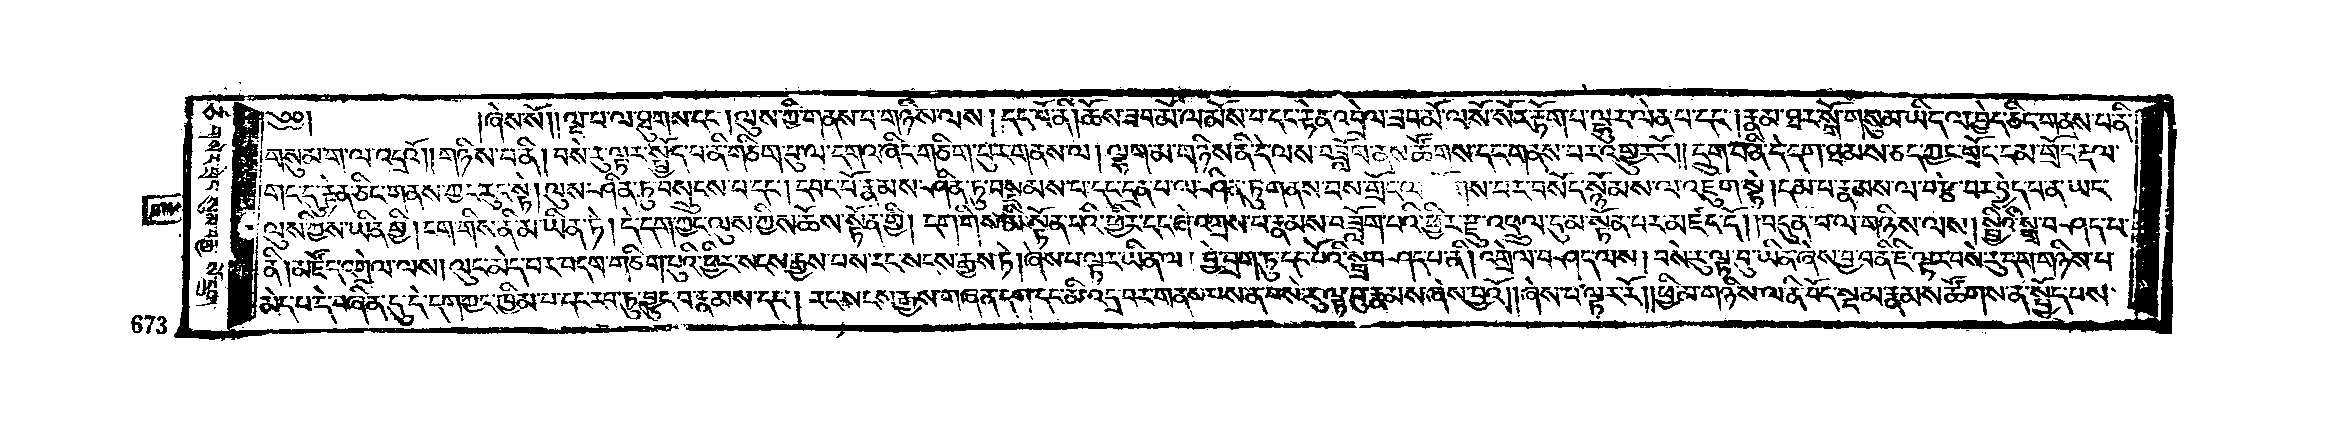༄༅། །ཞེས་སོ། །ལྔ་པ་ལ་ཐུགས་དང་། ལུས་ཀྱི་གནས་པ་གཉིས་ལས། དང་པོ་ནི། ཆོས་ཟབ་མོ་ལ་མོས་པ་དང་རྟེན་འབྲེལ་ཟབ་མོ་ལ་སོ་སོར་རྟོག་པ་ལྷུར་ལེན་པ་དང་། རྣམ་ཐར་སྒོ་གསུམ་ཡིད་ལ་བྱེད་ཅིང་གནས་པ་ནི་
གསུམ་ག་ལ་འདྲའོ། །གཉིས་པ་ནི། བསེ་རུ་ལྟར་སྤྱོད་པ་ནི་གཅིག་པུ་ལ་དགའ་ཞིང་གཅིག་པུར་གནས་ལ། ལྷག་མ་གཉིས་ནི་དེ་ལས་བཟློག་ནས་ཚོགས་དང་གནས་པར་འགྱུར་རོ། །དྲུག་པ་ནི་དེ་དག་ཐམས་ཅད་ཀྱང་གྲོང་ངམ་གྲོང་རྡལ་
གང་དུ་རྟེན་ཅིང་གནས་ཀྱང་རུང་སྟེ། ལུས་ཤིན་ཏུ་བསྲུངས་པ་དང་། དབང་པོ་རྣམས་ཤིན་ཏུ་བསྡམས་པ་དང་དྲན་པ་ལ་ཤིན་ཏུ་གནས་པས་གྲོང་ལ་སོགས་པར་བསོད་སྙོམས་ལ་འཇུག་སྟེ། དམ་པ་རྣམས་ལ་བརྩེ་བར་བྱེད་པ་ན་ཡང་
ལུས་ཀྱིས་ཡིན་གྱི། ངག་གིས་ནི་མ་ཡིན་ཏེ། དེ་དག་ཀྱང་ལུས་ཀྱིས་ཆོས་སྟོན་གྱི། ངག་གིས་མི་སྟོན་པའི་ཕྱིར་དང་ཞེ་འགྲས་པ་རྣམས་བཟློག་པའི་ཕྱིར་རྫུ་འཕྲུལ་དུ་མ་སྟོན་པར་མཛད་དོ། །བདུན་པ་ལ་གཉིས་ལས། སྤྱིའི་སྒྲ་བཤད་པ་
ནི། མཛོད་འགྲེལ་ལས། ལུང་མེད་པར་བདག་གཅིག་པུའི་ཕྱིར་སངས་རྒྱས་པས་རང་སངས་རྒྱས་ཏེ། ཞེས་པ་ལྟར་ཡིན་ལ། བྱེ་བྲག་ཏུ་དང་པོའི་སྒྲ་བཤད་པ་ནི། འགྲེལ་བཤད་ལས། བསེ་རུ་ལྟ་བུ་ཡིན་ཞེས་བྱ་བ་ནི་ཇི་ལྟར་བསེ་རུ་དག་གཉིས་པ་
མེད་པ་དེ་བཞིན་དུ་དེ་དག་ཀྱང་ཁྱིམ་པ་དང་རབ་ཏུ་བྱུང་བ་རྣམས་དང་། རང་སངས་རྒྱས་གཞན་དག་དང་མི་འདྲ་བར་གནས་པས་ན་བསེ་རུ་ལྟ་བུ་རྣམས་ཞེས་བྱའོ། །ཞེས་པ་ལྟར་རོ། །ཕྱི་མ་གཉིས་ལ་ནི་བོད་སྔ་མ་རྣམས་ཚོགས་ན་སྤྱོད་པས་